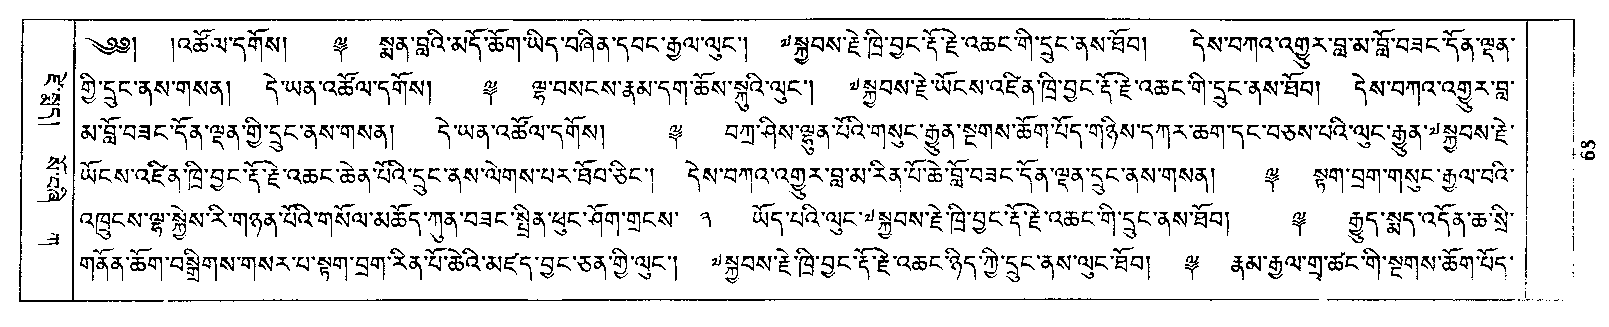༄༅། །འཚོལ་དགོས། ༈ སྨན་བླའི་མདོ་ཆོག་ཡིད་བཞིན་དབང་རྒྱལ་ལུང་། ༧སྐྱབས་རྗེ་ཁྲི་བྱང་རྡོ་རྗེ་འཆང་གི་དྲུང་ནས་ཐོབ། དེས་བཀའ་འགྱུར་བླ་མ་བློ་བཟང་དོན་ལྡན་
གྱི་དྲུང་ནས་གསན། དེ་ཡན་འཚོལ་དགོས། ༈ ལྷ་བསངས་རྣམ་དག་ཆོས་སྐུའི་ལུང་། ༧སྐྱབས་རྗེ་ཡོངས་འཛིན་ཁྲི་བྱང་རྡོ་རྗེ་འཆང་གི་དྲུང་ནས་ཐོབ། དེས་བཀའ་འགྱུར་བླ་
མ་བློ་བཟང་དོན་ལྡན་གྱི་དྲུང་ནས་གསན། དེ་ཡན་འཚོལ་དགོས། ༈ བཀྲ་ཤིས་ལྷུན་པོའི་གསུང་རྒྱུན་སྔགས་ཆོག་པོད་གཉིས་དཀར་ཆག་དང་བཅས་པའི་ལུང་རྒྱུན་༧སྐྱབས་རྗེ་
ཡོངས་འཛིན་ཁྲི་བྱང་རྡོ་རྗེ་འཆང་ཆེན་པོའི་དྲུང་ནས་ལེགས་པར་ཐོབ་ཅིང་། དེས་བཀའ་འགྱུར་བླ་མ་རིན་པོ་ཆེ་བློ་བཟང་དོན་ལྡན་དྲུང་ནས་གསན། ༈ སྟག་བྲག་གསུང་རྒྱལ་བའི་
འཁྲུངས་ལྷ་སྐྱེས་རི་གཉན་པོའི་གསོལ་མཆོད་ཀུན་བཟང་སྤྲིན་ཕུང་ཤོག་གྲངས ༢་ཡོད་པའི་ལུང་༧སྐྱབས་རྗེ་ཁྲི་བྱང་རྡོ་རྗེ་འཆང་གི་དྲུང་ནས་ཐོབ། ༈ རྒྱུད་སྨད་འདོན་ཆ་སྲི་
གནོན་ཆོག་བསྒྲིགས་གསར་པ་སྟག་བྲག་རིན་པོ་ཆེའི་མཛད་བྱང་ཅན་གྱི་ལུང་། ༧སྐྱབས་རྗེ་ཁྲི་བྱང་རྡོ་རྗེ་འཆང་ཉིད་ཀྱི་དྲུང་ནས་ལུང་ཐོབ། ༈ རྣམ་རྒྱལ་གྲྭ་ཚང་གི་སྔགས་ཆོག་པོད་